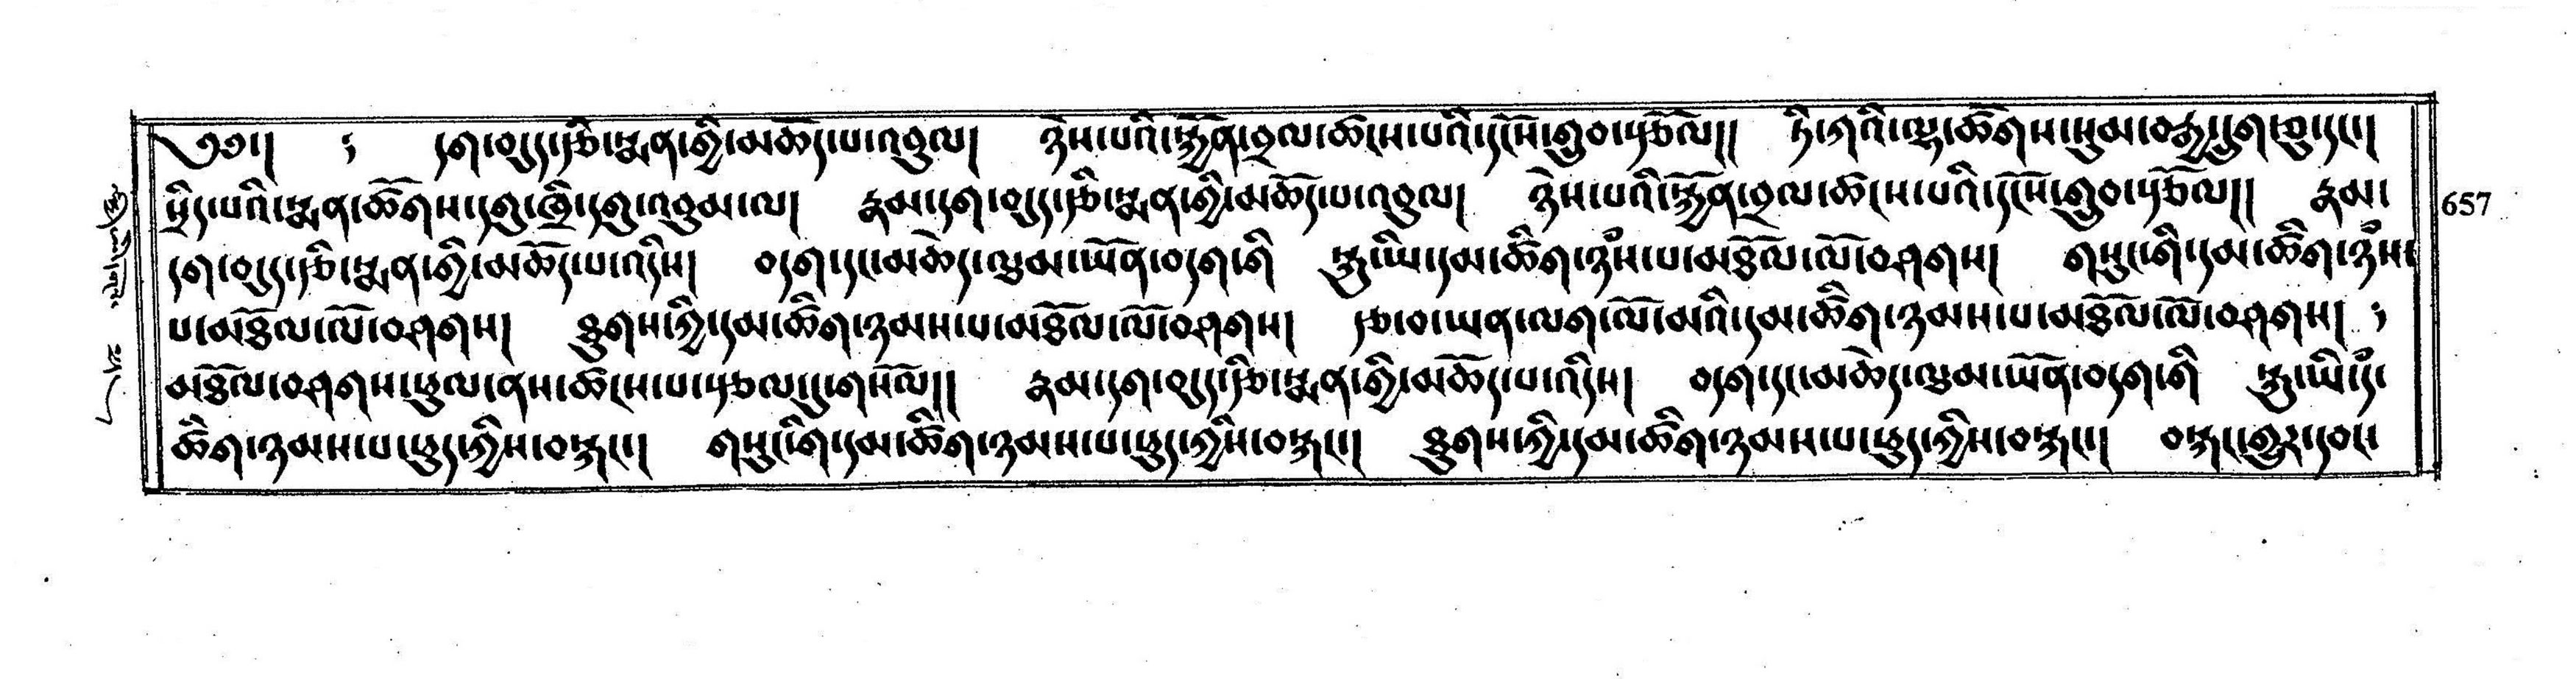དག་བདུད་རྩི་སྨན་གྱི་མཆོད་པ་འབུལ། ཉེས་པའི་སྐྱོན་བྲལ་ཚངས་པའི་དངོས་གྲུབ་སྩོལ།། ཏི་ཀའི་ལྷ་ཚོགས་སུམ་བརྒྱ་དྲུག་ཅུ་དང་། 
སྲིད་པའི་སྨན་ཚོགས་དགུ་ཁྲི་དགུ་འབུམ་ལ། རྣམ་དག་བདུད་རྩི་སྨན་གྱི་མཆོད་པ་འབུལ། ཉེས་པའི་སྐྱོན་བྲལ་ཚངས་པའི་དངོས་གྲུབ་སྩོལ།། རྣམ་
དག་བདུད་རྩི་སྨན་གྱི་མཆོད་པ་འདིས། བདག་དང་མཆེད་ལྕམ་ཡོན་བདག་གི སྐུ་ཡི་དམ་ཚིག་ཉམས་པ་མཐོལ་ལོ་བཤགས། གསུང་གི་དམ་ཚིག་ཉམས་
པ་མཐོལ་ལོ་བཤགས། ཐུགས་ཀྱི་དམ་ཚིག་ཉམས་པ་མཐོལ་ལོ་བཤགས། རྩ་བ་ཡན་ལག་ལོ་མའི་དམ་ཚིག་ཉམས་པ་མཐོལ་ལོ་བཤགས། 
མཐོལ་བཤགས་ཕུལ་ནས་ཚངས་པ་སྩལ་དུ་གསོལ།། རྣམ་དག་བདུད་རྩི་སྨན་གྱི་མཆོད་པ་འདིས། བདག་དང་མཆེད་ལྕམ་ཡོན་བདག་གི སྐུ་ཡི་དམ་
ཚིག་ཉམས་པ་ཕུད་ཀྱིས་བསྐང་། གསུང་གི་དམ་ཚིག་ཉམས་པ་ཕུད་ཀྱིས་བསྐང་། ཐུགས་ཀྱི་དམ་ཚིག་ཉམས་པ་ཕུད་ཀྱིས་བསྐང་། བསྐང་གྱུར་དབང་